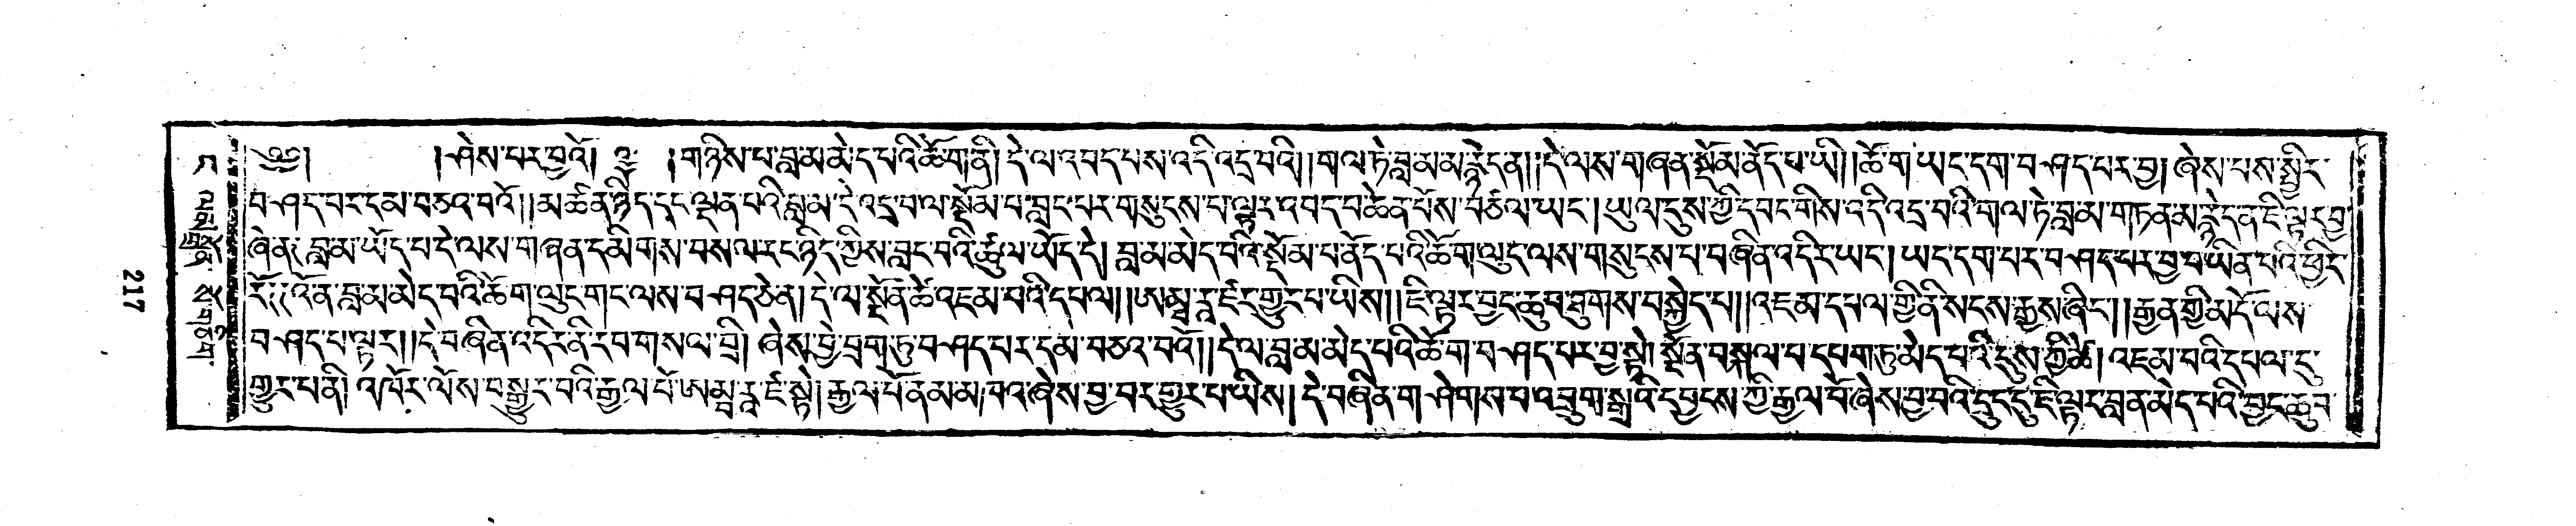༄༅། །ཤེས་པར་བྱའོ། ༈ །གཉིས་པ་བླ་མ་མེད་པའི་ཆོ་ག་ནི། དེ་ལ་འབད་པས་འདི་འདྲ་བའི། །གལ་ཏེ་བླ་མ་མ་རྙེད་ན། །དེ་ལས་གཞན་སྡོམ་ནོད་པ་ཡི། །ཆོ་ག་ཡང་དག་བཤད་པར་བྱ། ཞེས་པས་སྤྱིར་
བཤད་པར་དམ་བཅའ་བའོ། །མཚན་ཉིད་དང་ལྡན་པའི་བླ་མ་དེ་འདྲ་བ་ལ་སྡོམ་པ་བླང་བར་གསུངས་པ་ལྟར་འབད་པ་ཆེན་པོས་བཙལ་ཡང་། ཡུལ་དུས་ཀྱི་དབང་གིས་འདི་འདྲ་བའི་གལ་ཏེ་བླ་མ་གཏན་མ་རྙེད་ན་ཇི་ལྟར་བྱ་
ཞེ་ན། བླ་མ་ཡོད་པ་དེ་ལས་གཞན་དམིགས་བསལ་རང་ཉིད་ཀྱིས་བླང་བའི་ཚུལ་ཡོད་དེ། བླ་མ་མེད་པའི་སྡོམ་པ་ནོད་པའི་ཆོ་ག་ལུང་ལས་གསུངས་པ་བཞིན་འདིར་ཡང་། ཡང་དག་པར་བཤད་པར་བྱ་བ་ཡིན་པའི་ཕྱིར་
རོ། །འོ་ན་བླ་མ་མེད་པའི་ཆོ་ག་ལུང་གང་ལས་བཤད་ཅེ་ན། དེ་ལ་སྔོན་ཚེ་འཇམ་པའི་དཔལ། །ཨམྦ་རཱ་ཛར་གྱུར་པ་ཡིས། །ཇི་ལྟར་བྱང་ཆུབ་ཐུགས་བསྐྱེད་པ། །འཇམ་དཔལ་གྱི་ནི་སངས་རྒྱས་ཞིང་། །རྒྱན་གྱི་མདོ་ལས་
བཤད་པ་ལྟར། །དེ་བཞིན་འདིར་ནི་རབ་གསལ་བྲི། ཞེས་བྱེ་བྲག་ཏུ་བཤད་པར་དམ་བཅའ་བའོ། །དེ་ལ་བླ་མ་མེད་པའི་ཆོ་ག་བཤད་པར་བྱ་སྟེ། སྔོན་བསྐལ་པ་དཔག་ཏུ་མེད་པའི་དུས་ཀྱི་ཚེ། འཇམ་པའི་དཔལ་དུ་
གྱུར་པ་ནི། འཁོར་ལོས་བསྒྱུར་བའི་རྒྱལ་པོ་ཨམྦ་རཱ་ཛ་སྟེ། རྒྱལ་པོ་ནམ་མཁའ་ཞེས་བྱ་བར་གྱུར་པ་ཡིས། དེ་བཞིན་གཤེགས་པ་འབྲུག་སྒྲའི་དབྱངས་ཀྱི་རྒྱལ་པོ་ཞེས་བྱ་བའི་དྲུང་དུ་ཇི་ལྟར་བླ་ན་མེད་པའི་བྱང་ཆུབ་